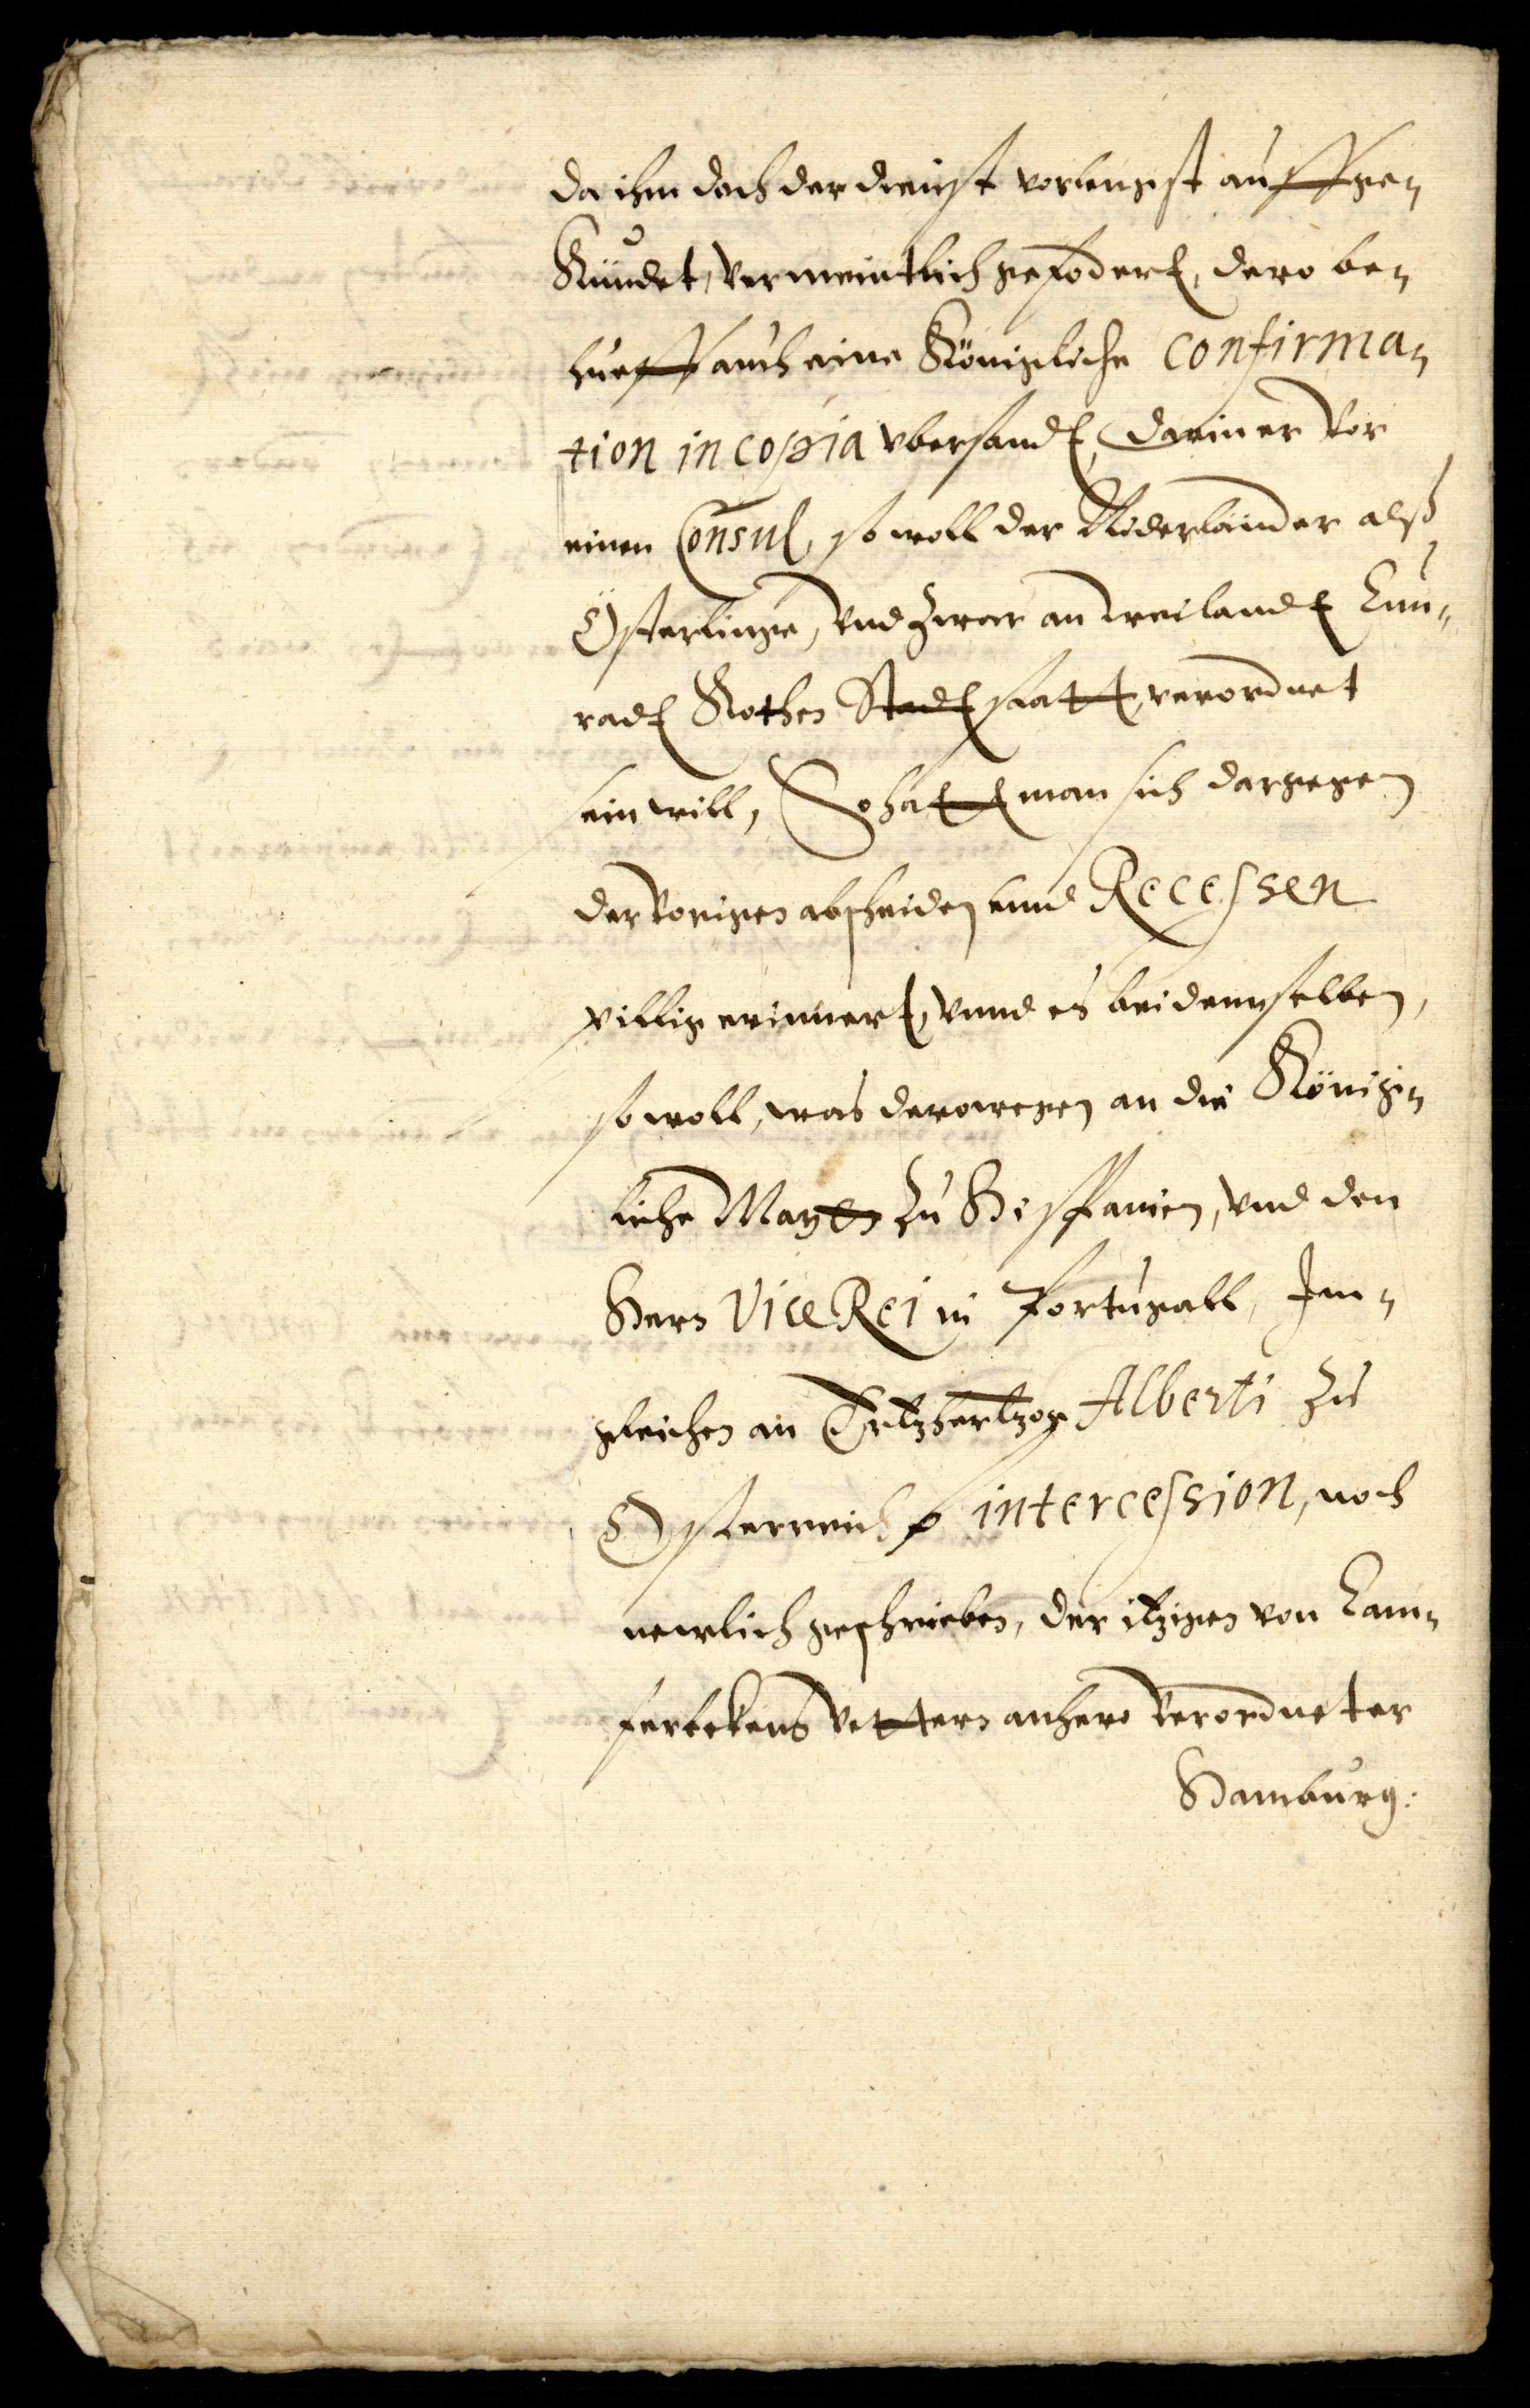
da ihm doch der dienst vorlengst auffge¬
Kündet, vermeintlich gefodert, dero be¬
hueff auch eine Königliche confirma¬
tion in copia vbersandt, darin er Vor
einen Consul, so woll der Niderländer alß
Österlinge, Vnd Zwar an Weilandt Cun¬
radt Rothen Stadt statt, verordnet
sein will, So hatt man sich dargegen
der Vorigen abscheiden vnnd Recessen
pillig erinnert, Vnnd es bei demselben,
sowoll, was derowegen an die König¬
liche Maytt Zu Hispanien, vnd den
Hern ViceRei in Portugall, Im¬
gleichen an Ertzhertzog Alberti Zu
Osterreich p intercession, noch
newlich geschrieben, der itzigen von Cam¬
ferbekens Vettern anhero Verordneter
Hamburg:
